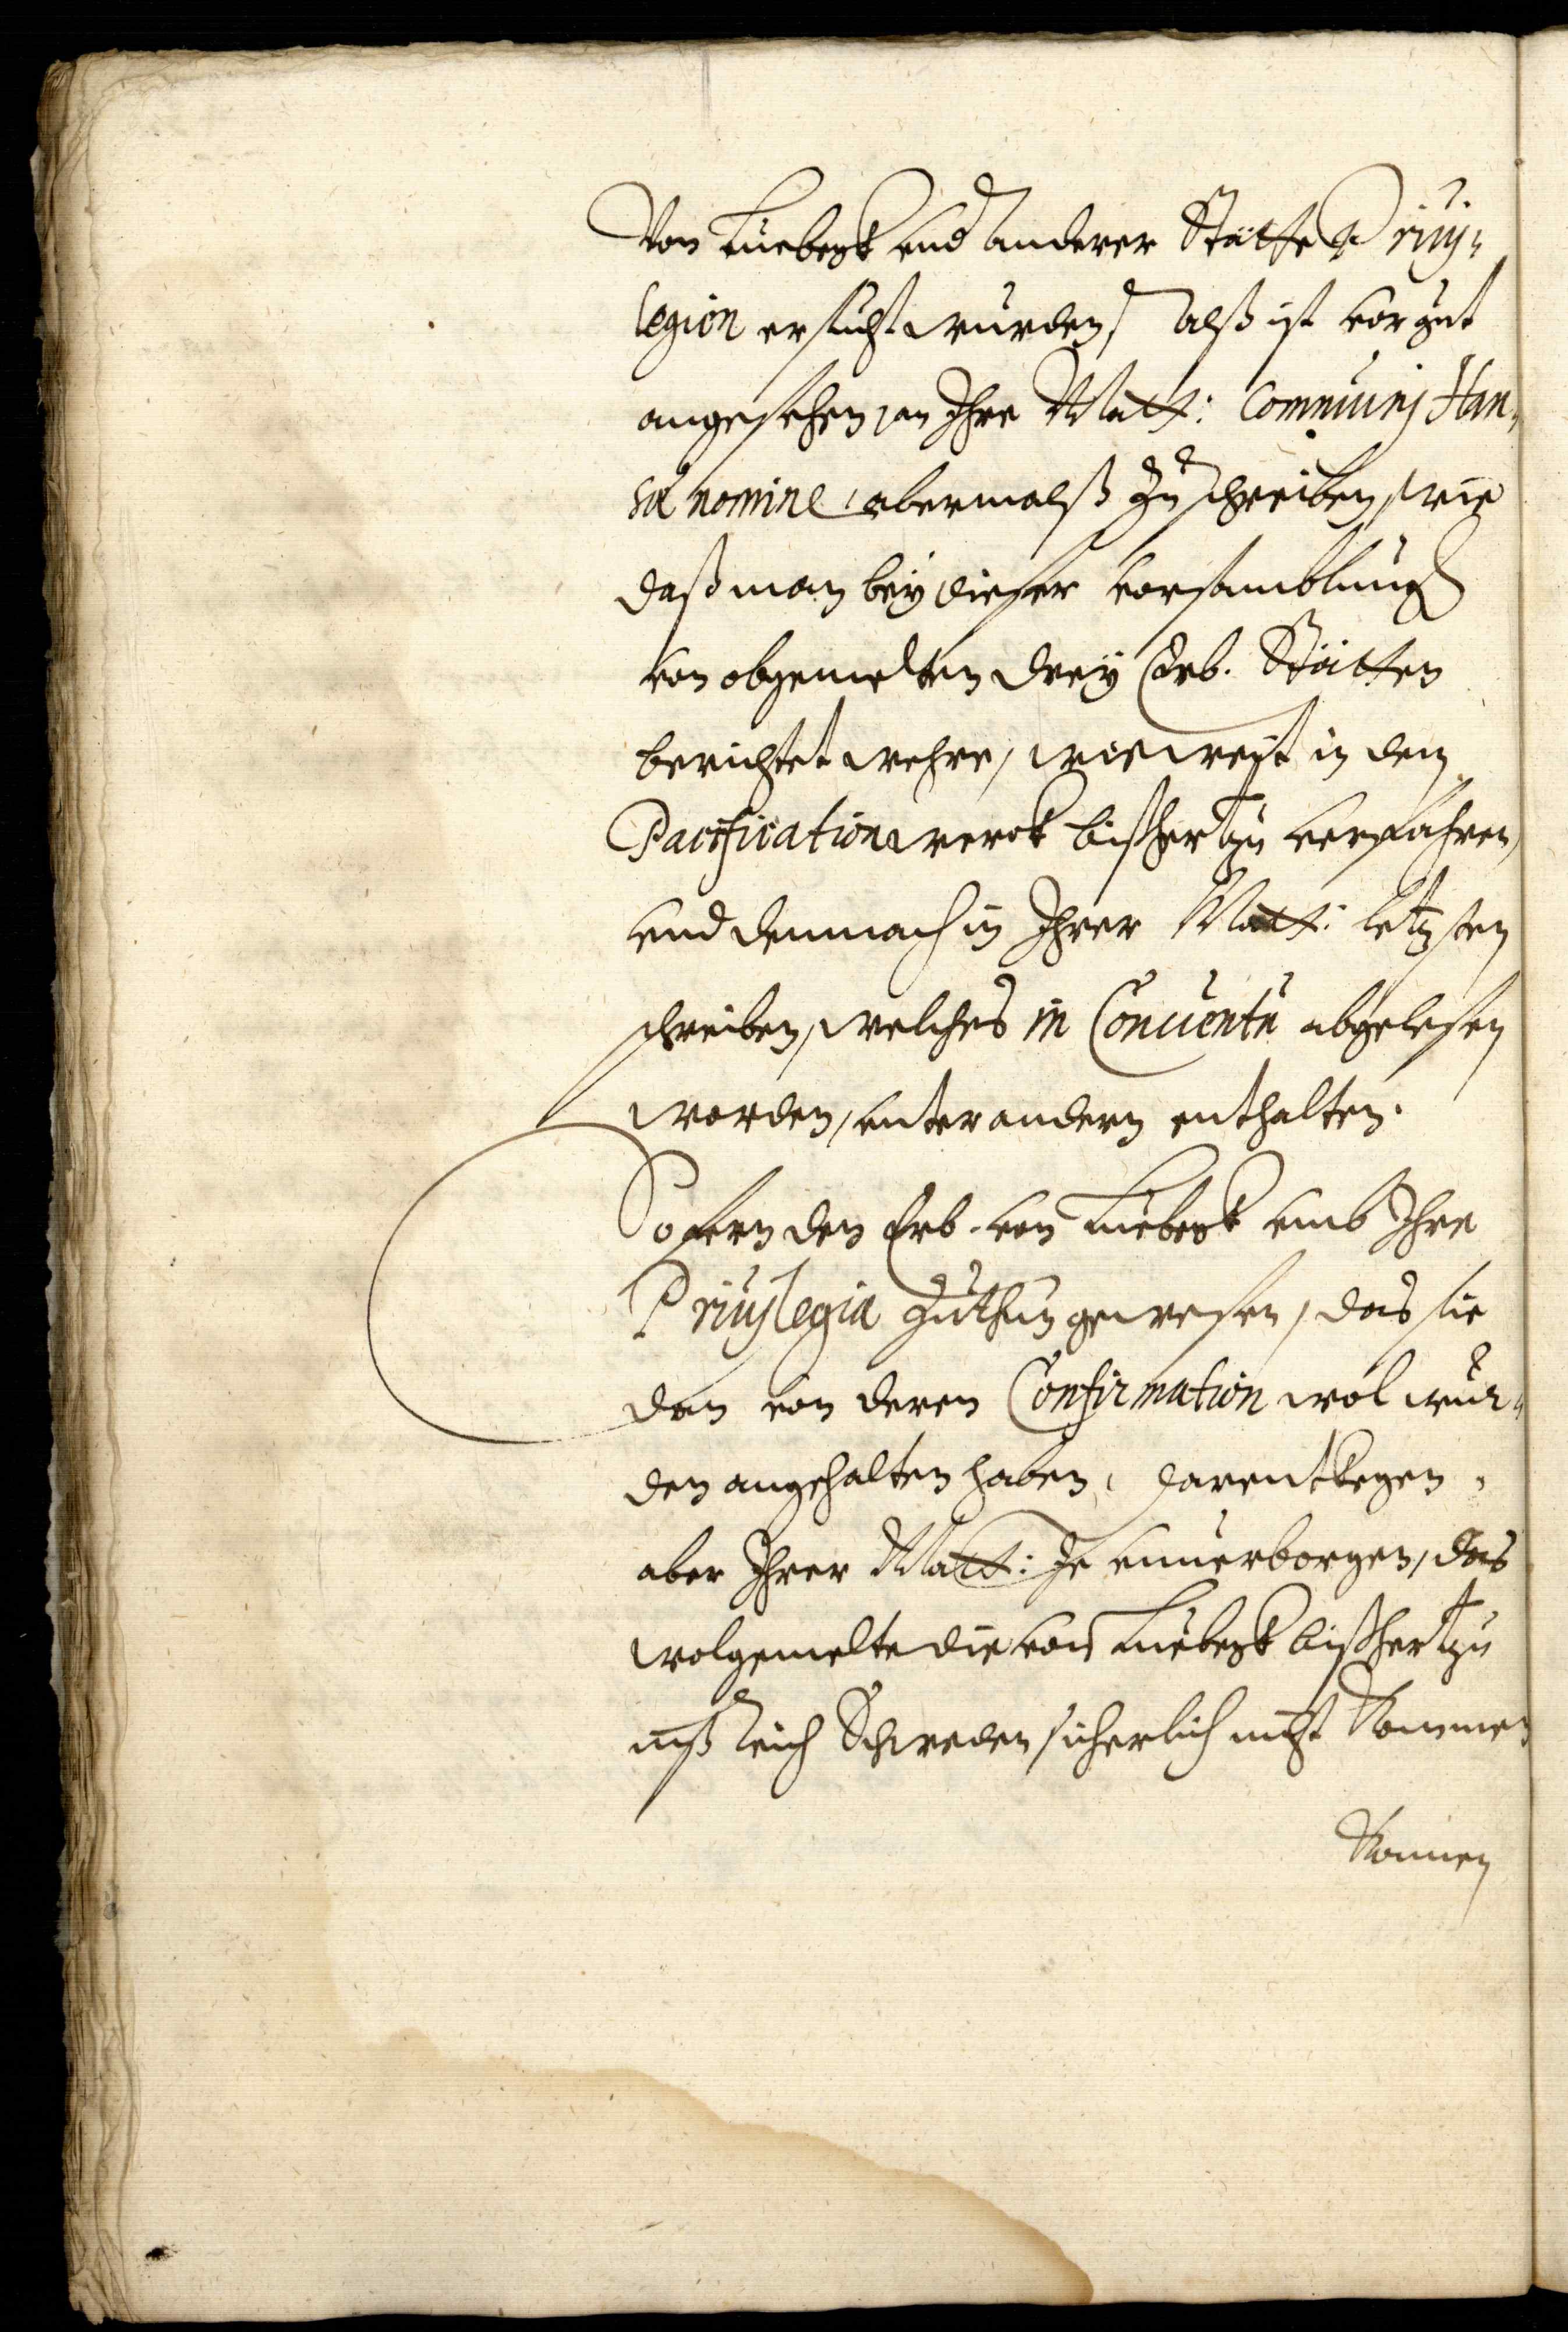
von Lubegk vnd Andrer Stätte ???¬
legion ersuht wurden, Alß ist vor gut
angesehen, an Ihre Matt: communj Han¬
sae nomine abermalß zu schreiben, wie
daß man beij dieser vorsamblungh
von obgemelten dreij Erb. Stätten
berichtet wehre, wieweit in dem
Pacificationwerck bißhertzu verfahren
vnd demnach in Ihrer Matt: letzten
schreiben, welches in Conuento abgelesen
worden, vnterander enthalten.
Sofern den Erb. von Lubegk vmb Ihre
Priujlegia zuthun gewesen, das sie
dan von deren Confirmation wol wur¬
den angehalten haben, darentkegen
aber Ihrer Matt: Je vnuerborgen, das
wolgemelte die von Lubegk bißhertzu
inß reich Schweden sicherlich nicht kommen
kamen
